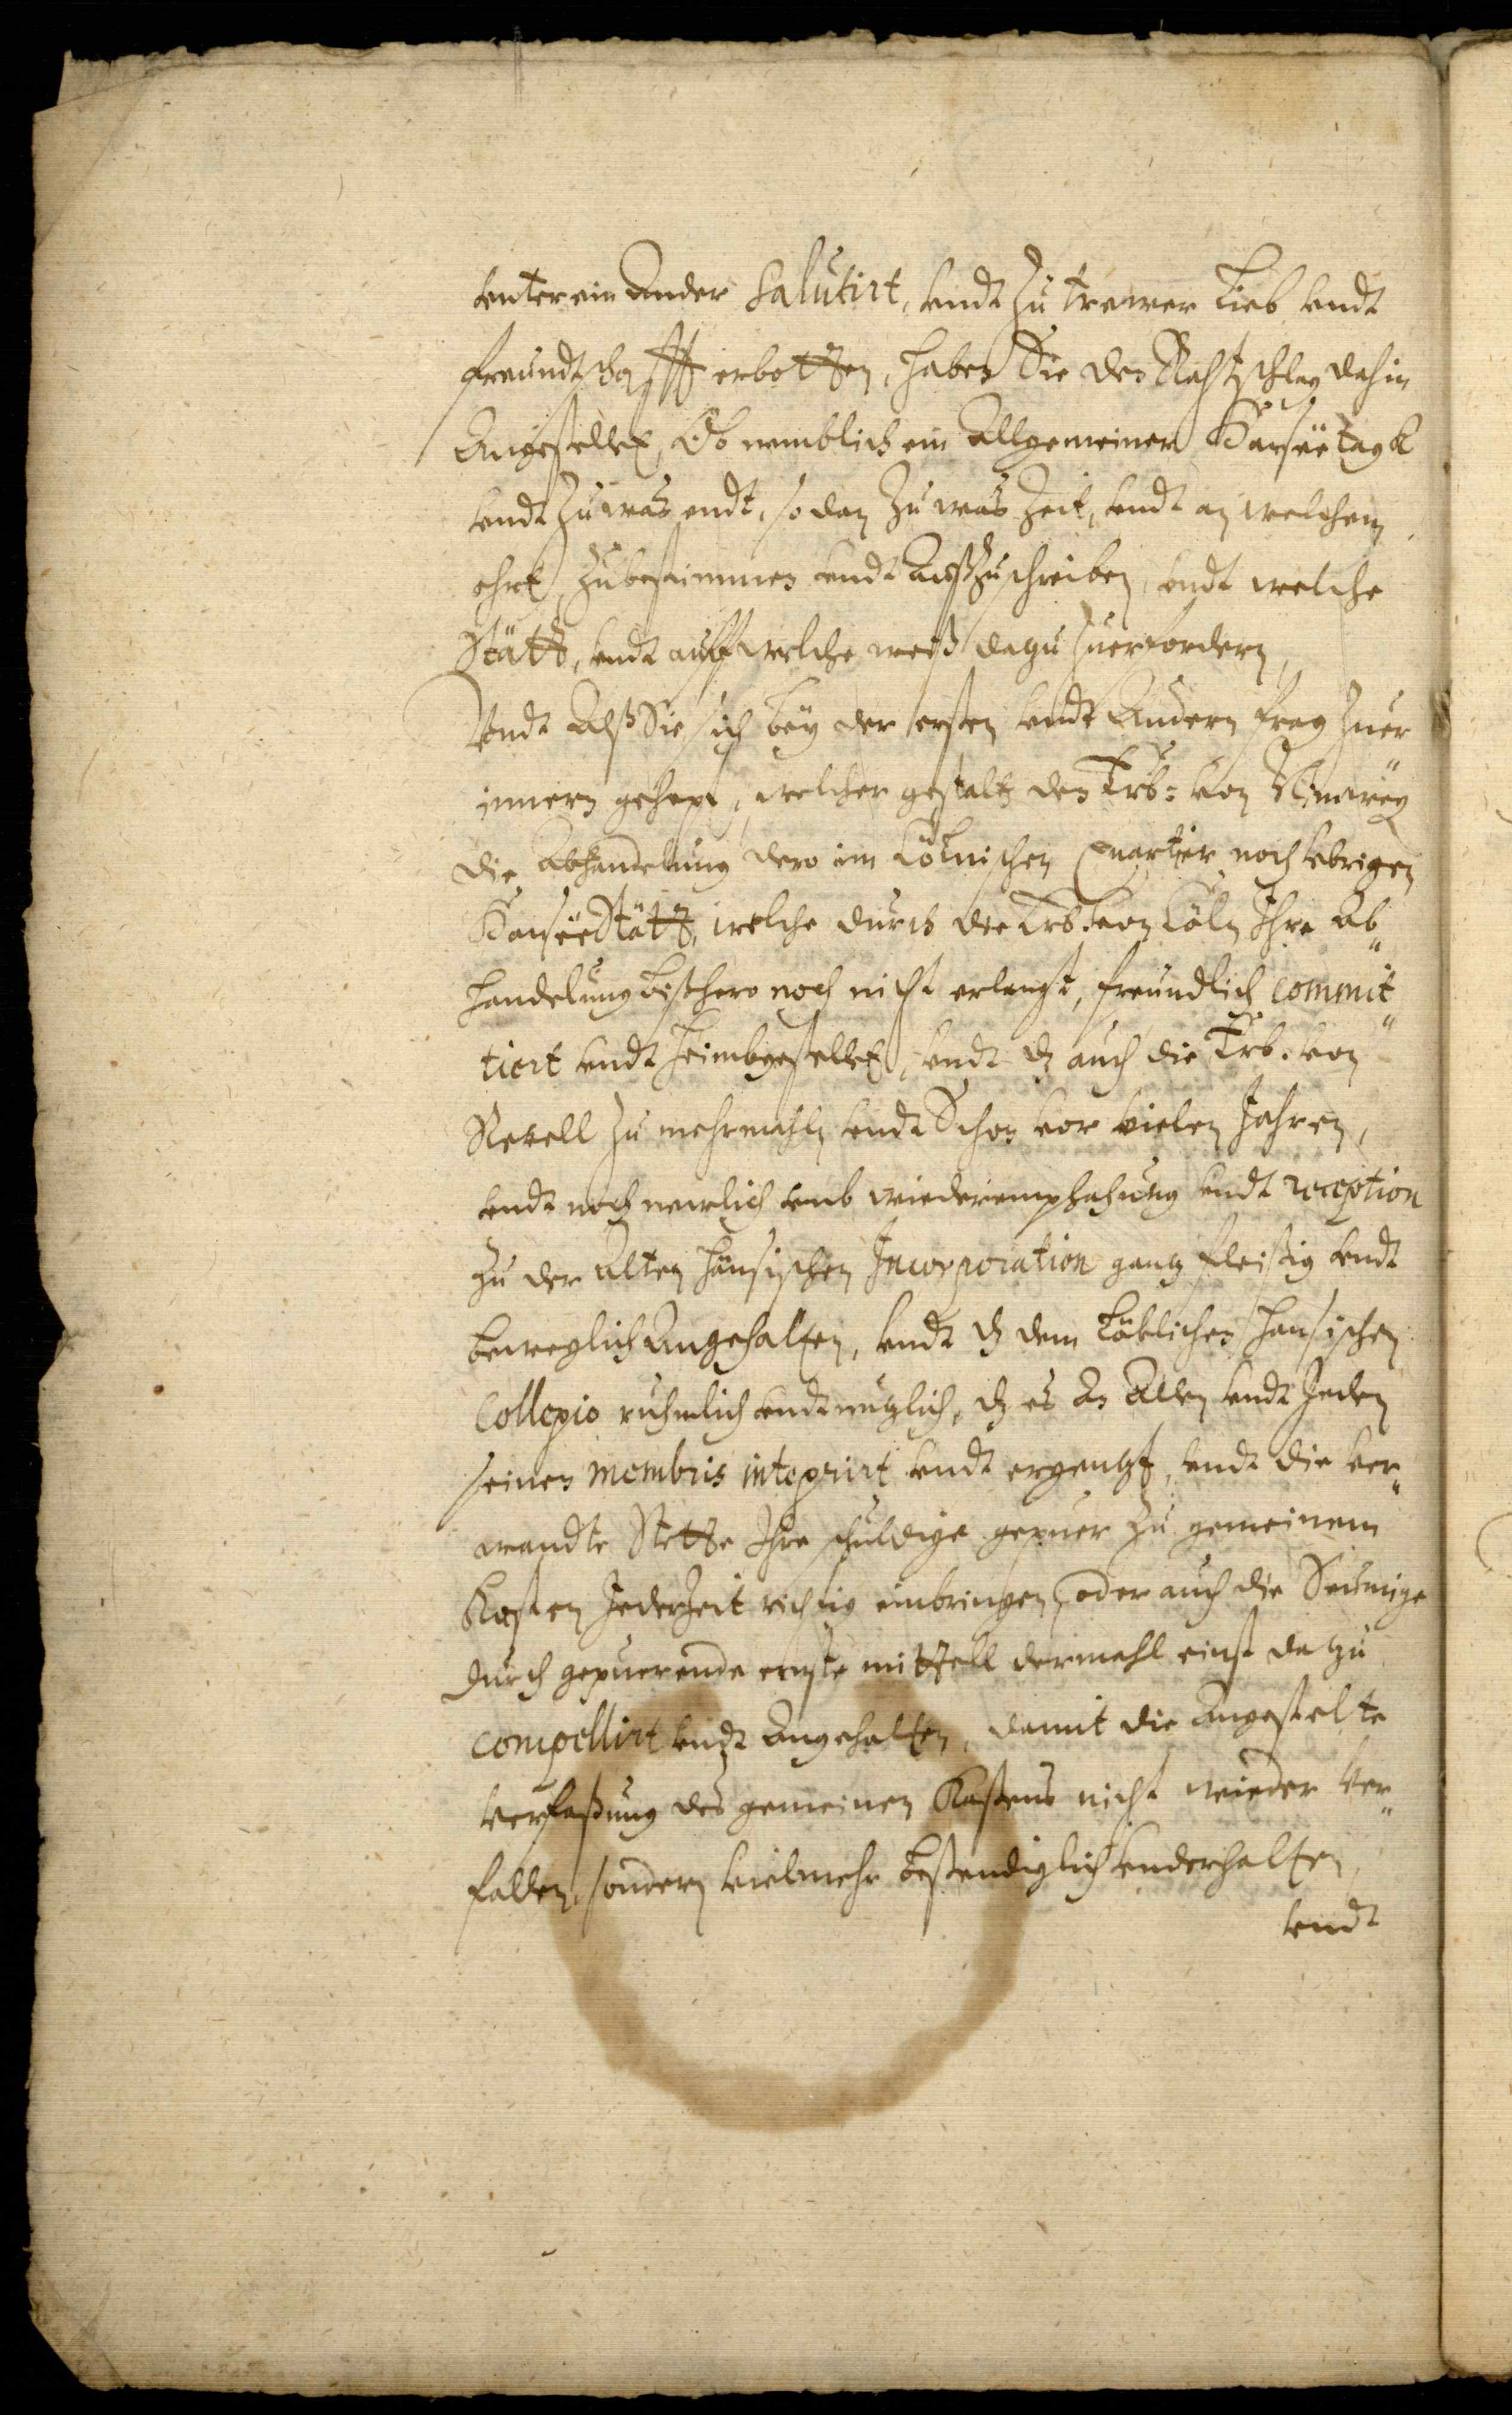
vnter ein ander salutirt, vndt zu trewer Lieb vndt
freundtschafft erbotten, haben Sie den Rathschlag dahin
angestellet, Ob nemblich ein allgemeiner Hanseetagk
vndt Zu was endt, so dan Zu was zeit, vndt an welchem
ohrt Zubestimmen vndt AußZuschreiben, vndt welche
Stätt, vndt auff welche weiß dazu Zuerfordern,
Vndt alß sie sich beij der ersten vndt andern frag zuer¬
innern gehapt, welcher gestalt den Erb: von Nimweg
die Abhandelung dero im Cölnischen Quartier noch vbrigen
HanseeStätt, welche durch die Erb. von Cöln Ihre Ab¬
handelung bißhero noch nicht erlangt, freundlich commit¬
tiert vndt heimbgestellet, vndt das auch die Erb. von
Revell Zu mehrmaln vndt Schon vor vielen Iahren,
vndt noch newlich vmb wiederemphahung vndt reception
Zu der Alten hänsischen Incorporation gantz fleißig vndt
beweglich Angehalten, vndt das dem löblichen hansischen
Collegio ruhmlich vndt nutzlich, das es An Allen vndt Ieden
seinen membris integrirt vndt ergenzt, vndt die ver¬
wandte Stette Ihre schuldige gepuer Zu gemeinem
Kosten IederZeit richtig einbringen, oder auch die Seumige
durch gepuerende ernste mittell dermahl einst dazu
compellirt vndt Angehalten, damit die Angestelte
verfaßung des gemeinen Kastens nicht wieder ver¬
fallen, sondern vielmehr bestendiglich vnderhalten,
vndt
